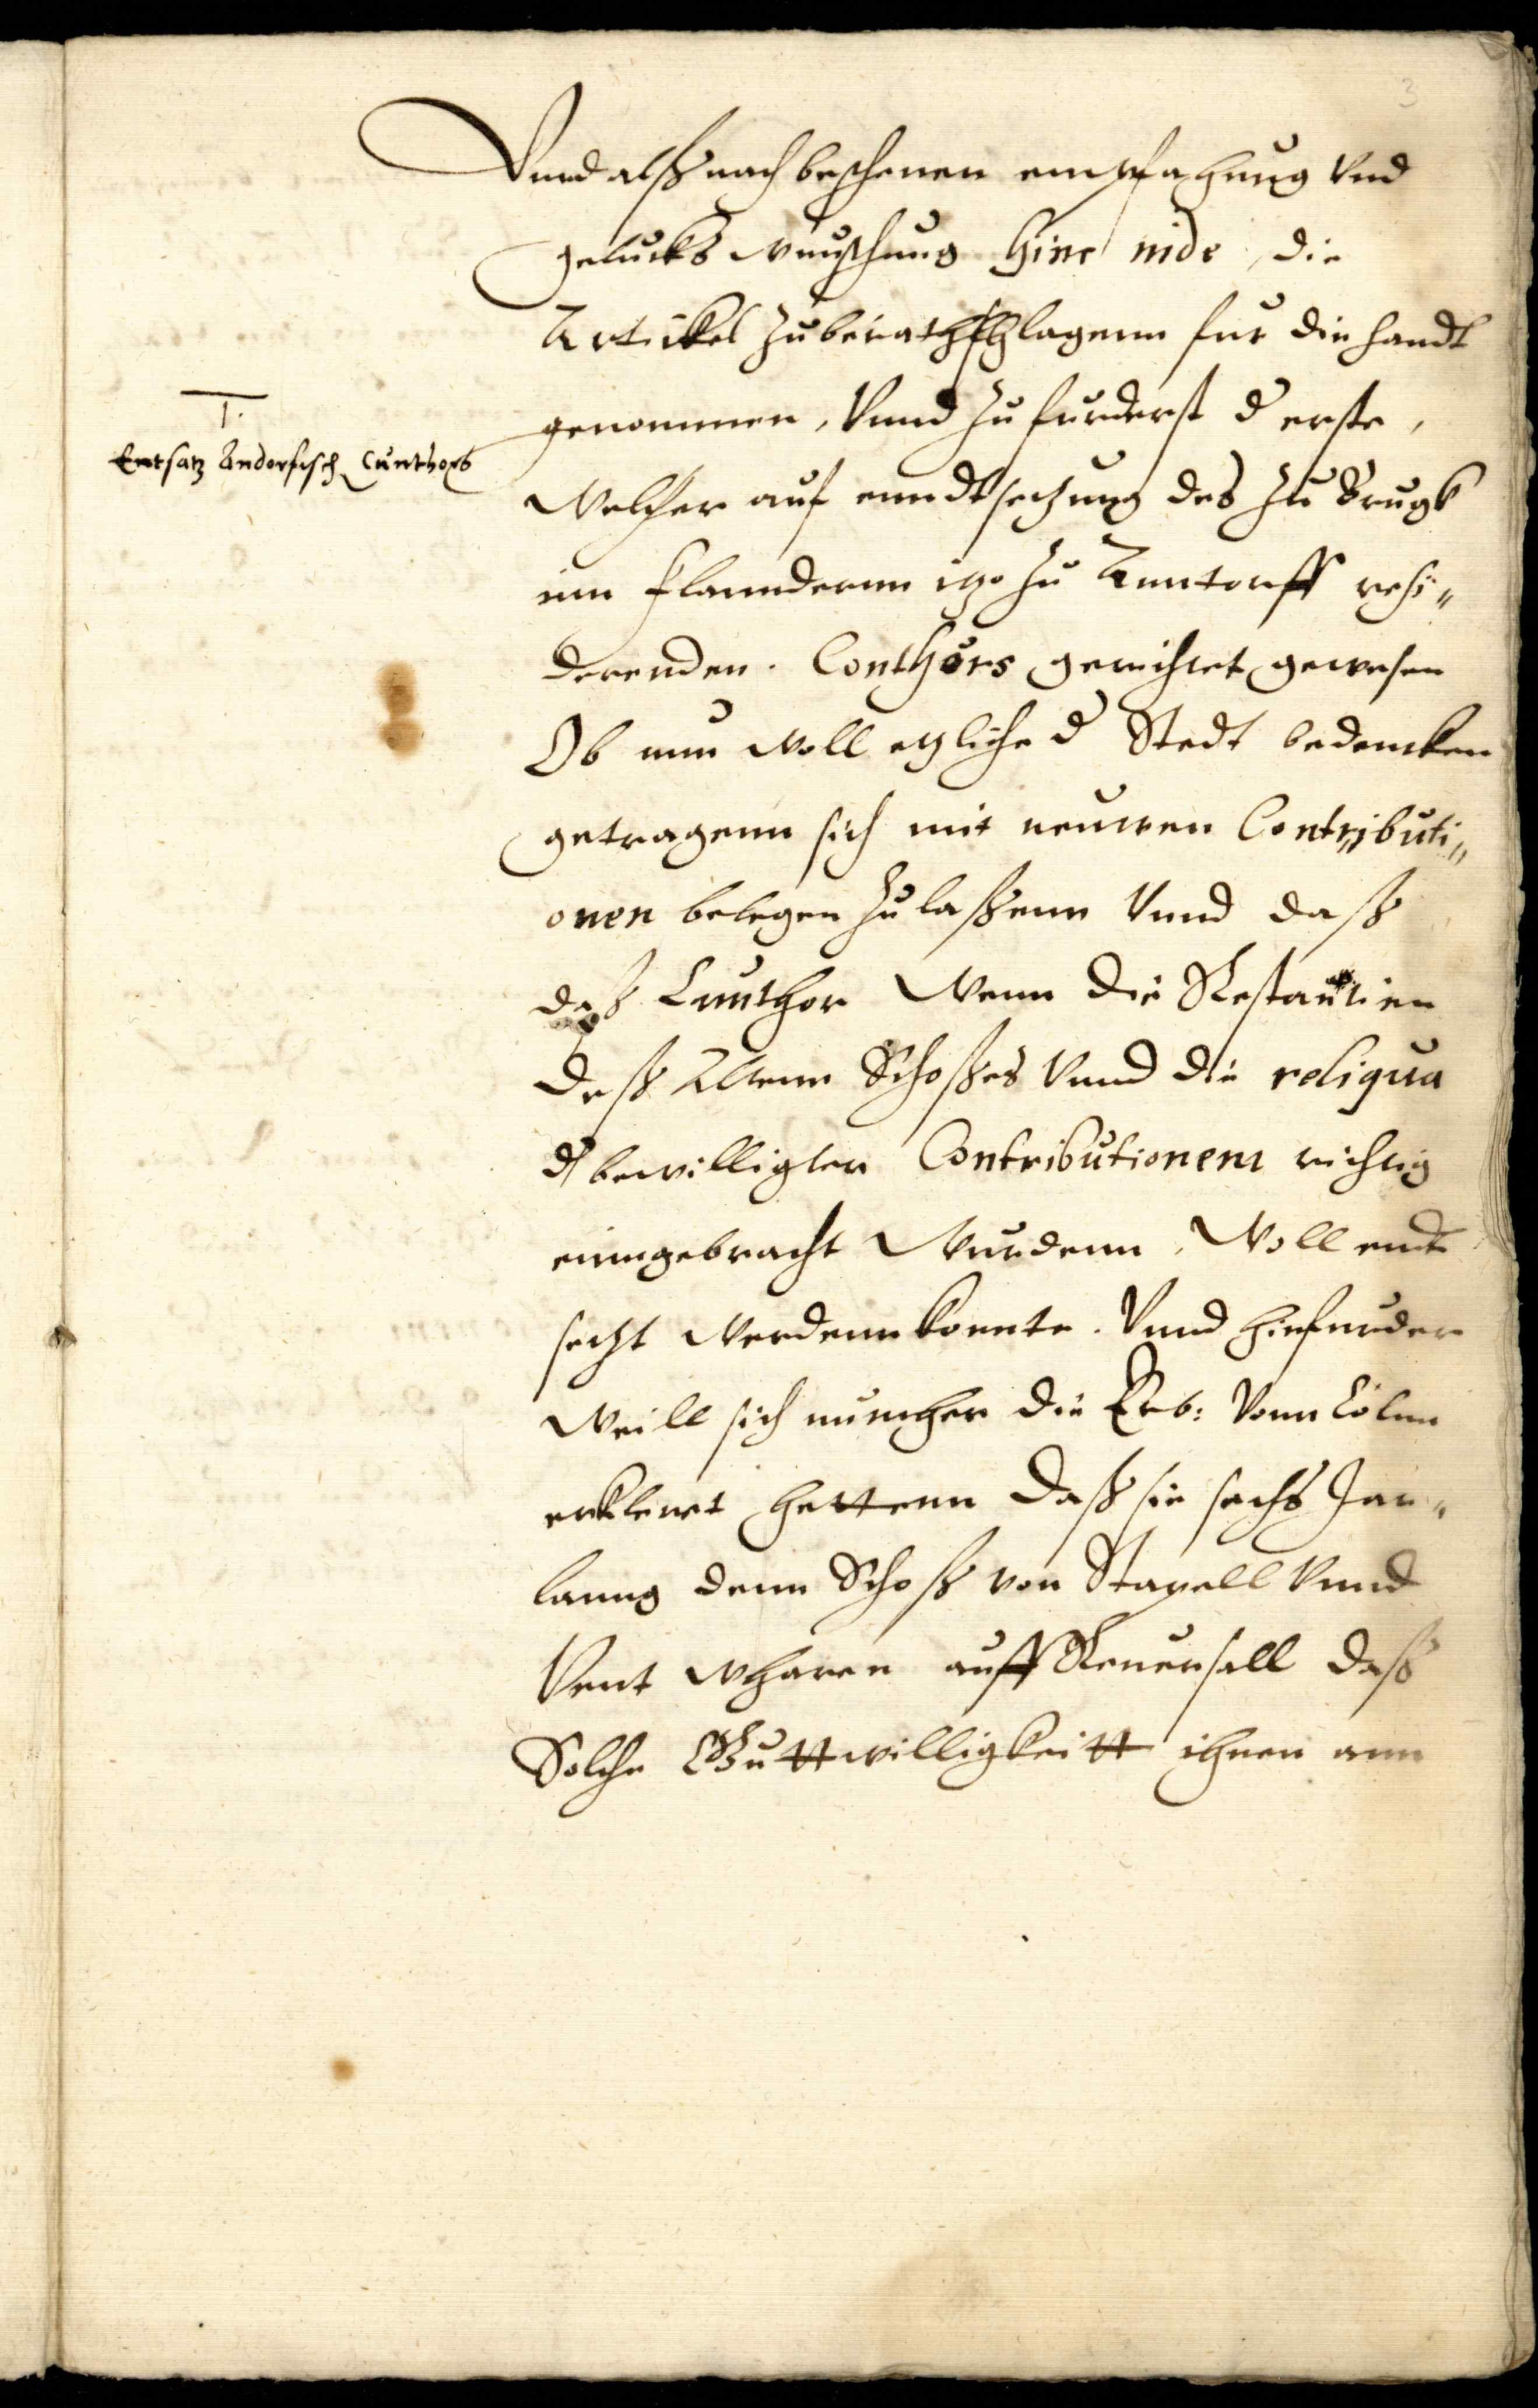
I.
Entsatz Andorfschen Cunthors
Vnd alß nach beschenen empfehung vnd
gelucks wunschung hinc inde, die
Artickel zu berathschlagenn fur die handt
genommen, Vnnd zu furderst der erste,
Welcher auf enndtsetzung des zu Brugk
inn Flanndernn itzo zu Anntorff resi¬
derenden Conthors gerichtet gewesen
Ob nun woll etzliche der Stedt bedencken
getragenn sich mit neuwen Contributi¬
onen belegen zu laßenn vnnd daß
daß Cunthor wenn die Restantien
deß altenn Schoßes vnnd die reliqua
der bewilligten Contributionem richtig
einngebracht wurdenn, Woll endt
setzt werdenn konnte, Vnnd hinfurder
weill sich numher die Erb: vonn Colnn
erkleret hettenn daß sie sechs Jar¬
lanng denn Schoß von Stapell vnnd
Vent wharen auff Keuensall daß
Solche Guttwilligkeitt ihnen ann
